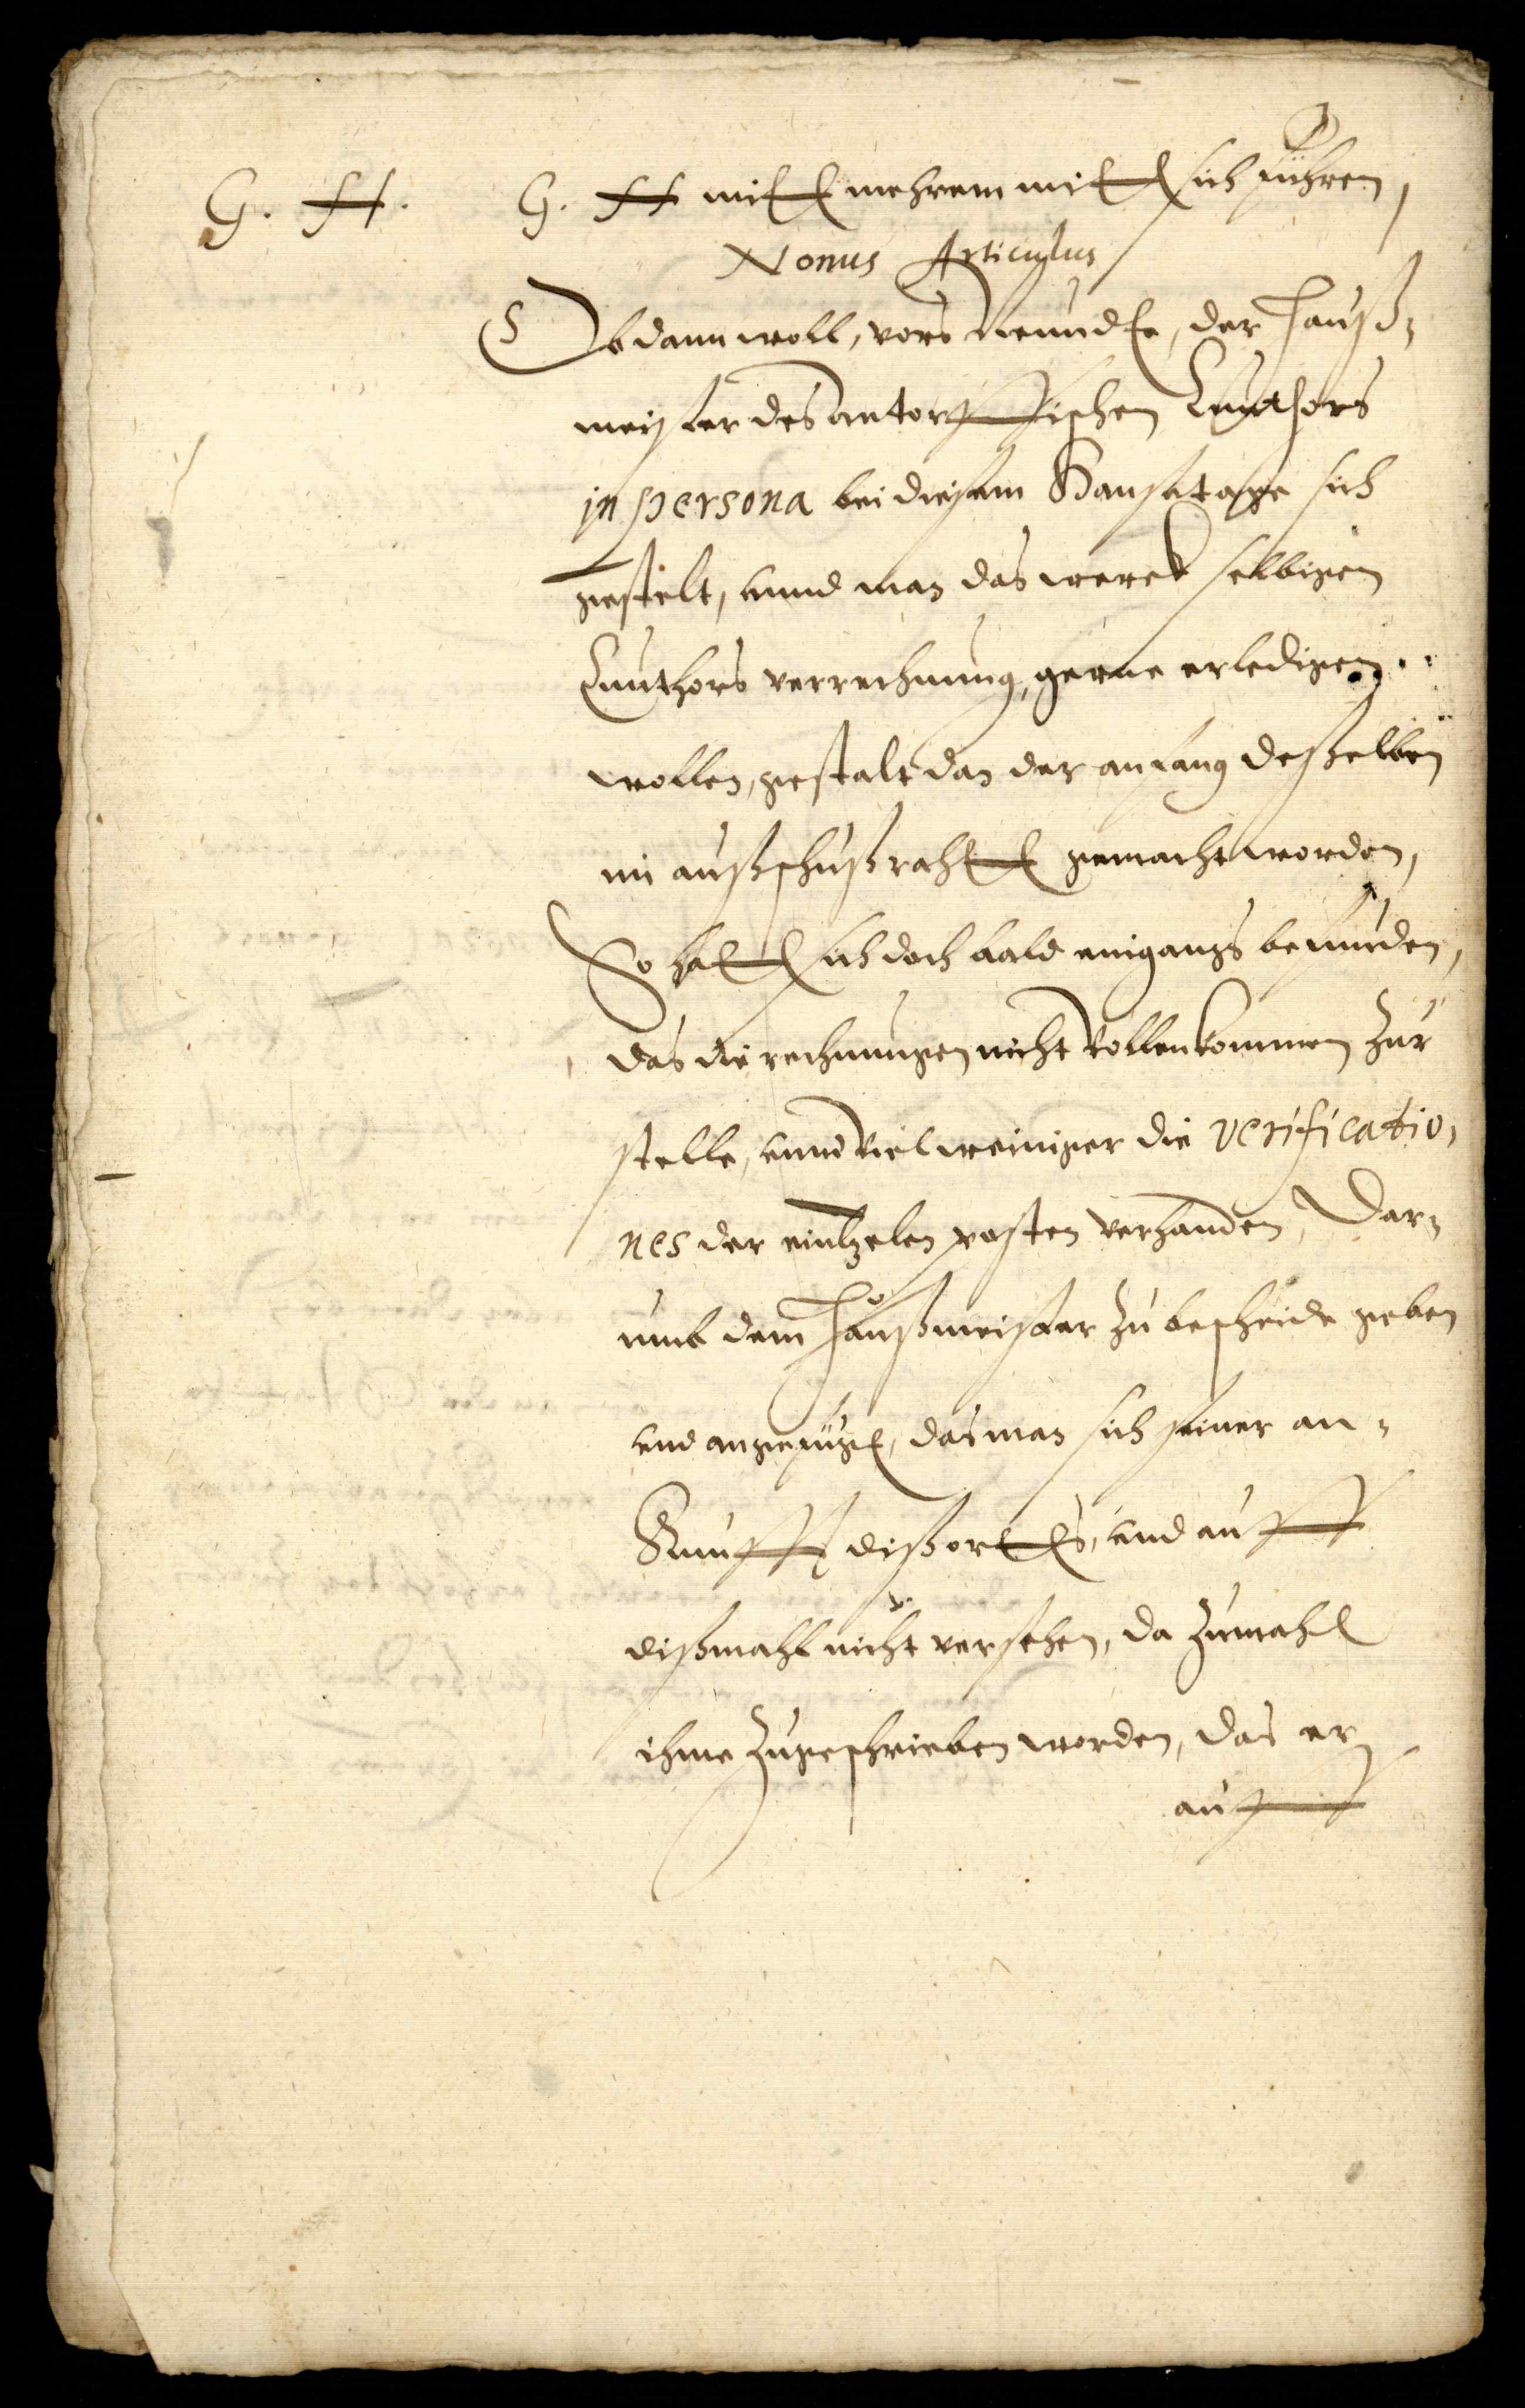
G. H.
G. H mit mehrem mitt sich führen,
Nonus Articulus
Ob dann woll, vors Neundte, der hauß¬
meister des Antorffischen Cunthors
in persona bei diesem Hansetage sich
gestelt, vnnd man das werck selbigen
Cunthors verrechnung, gerne erledigen
wollen, gestalt das der anfang deßelben
im außschußrahtt gemacht worden,
So hatt sich doch bald eingangs befunden,
das die rechnungen nicht Vollenkommen Zur
stelle, vnnd Viel weiniger die verificatio¬
nes der eintzelen posten vorhanden, Dar¬
rumb dem hausmeister Zu bescheid geben
vnd angefügt, das man sich seiner an¬
Kunfft diß ortts, vnd auff
dißmahl nicht verstehen, da Zumahl
ihme Zugeschrieben worden, das er
auff
